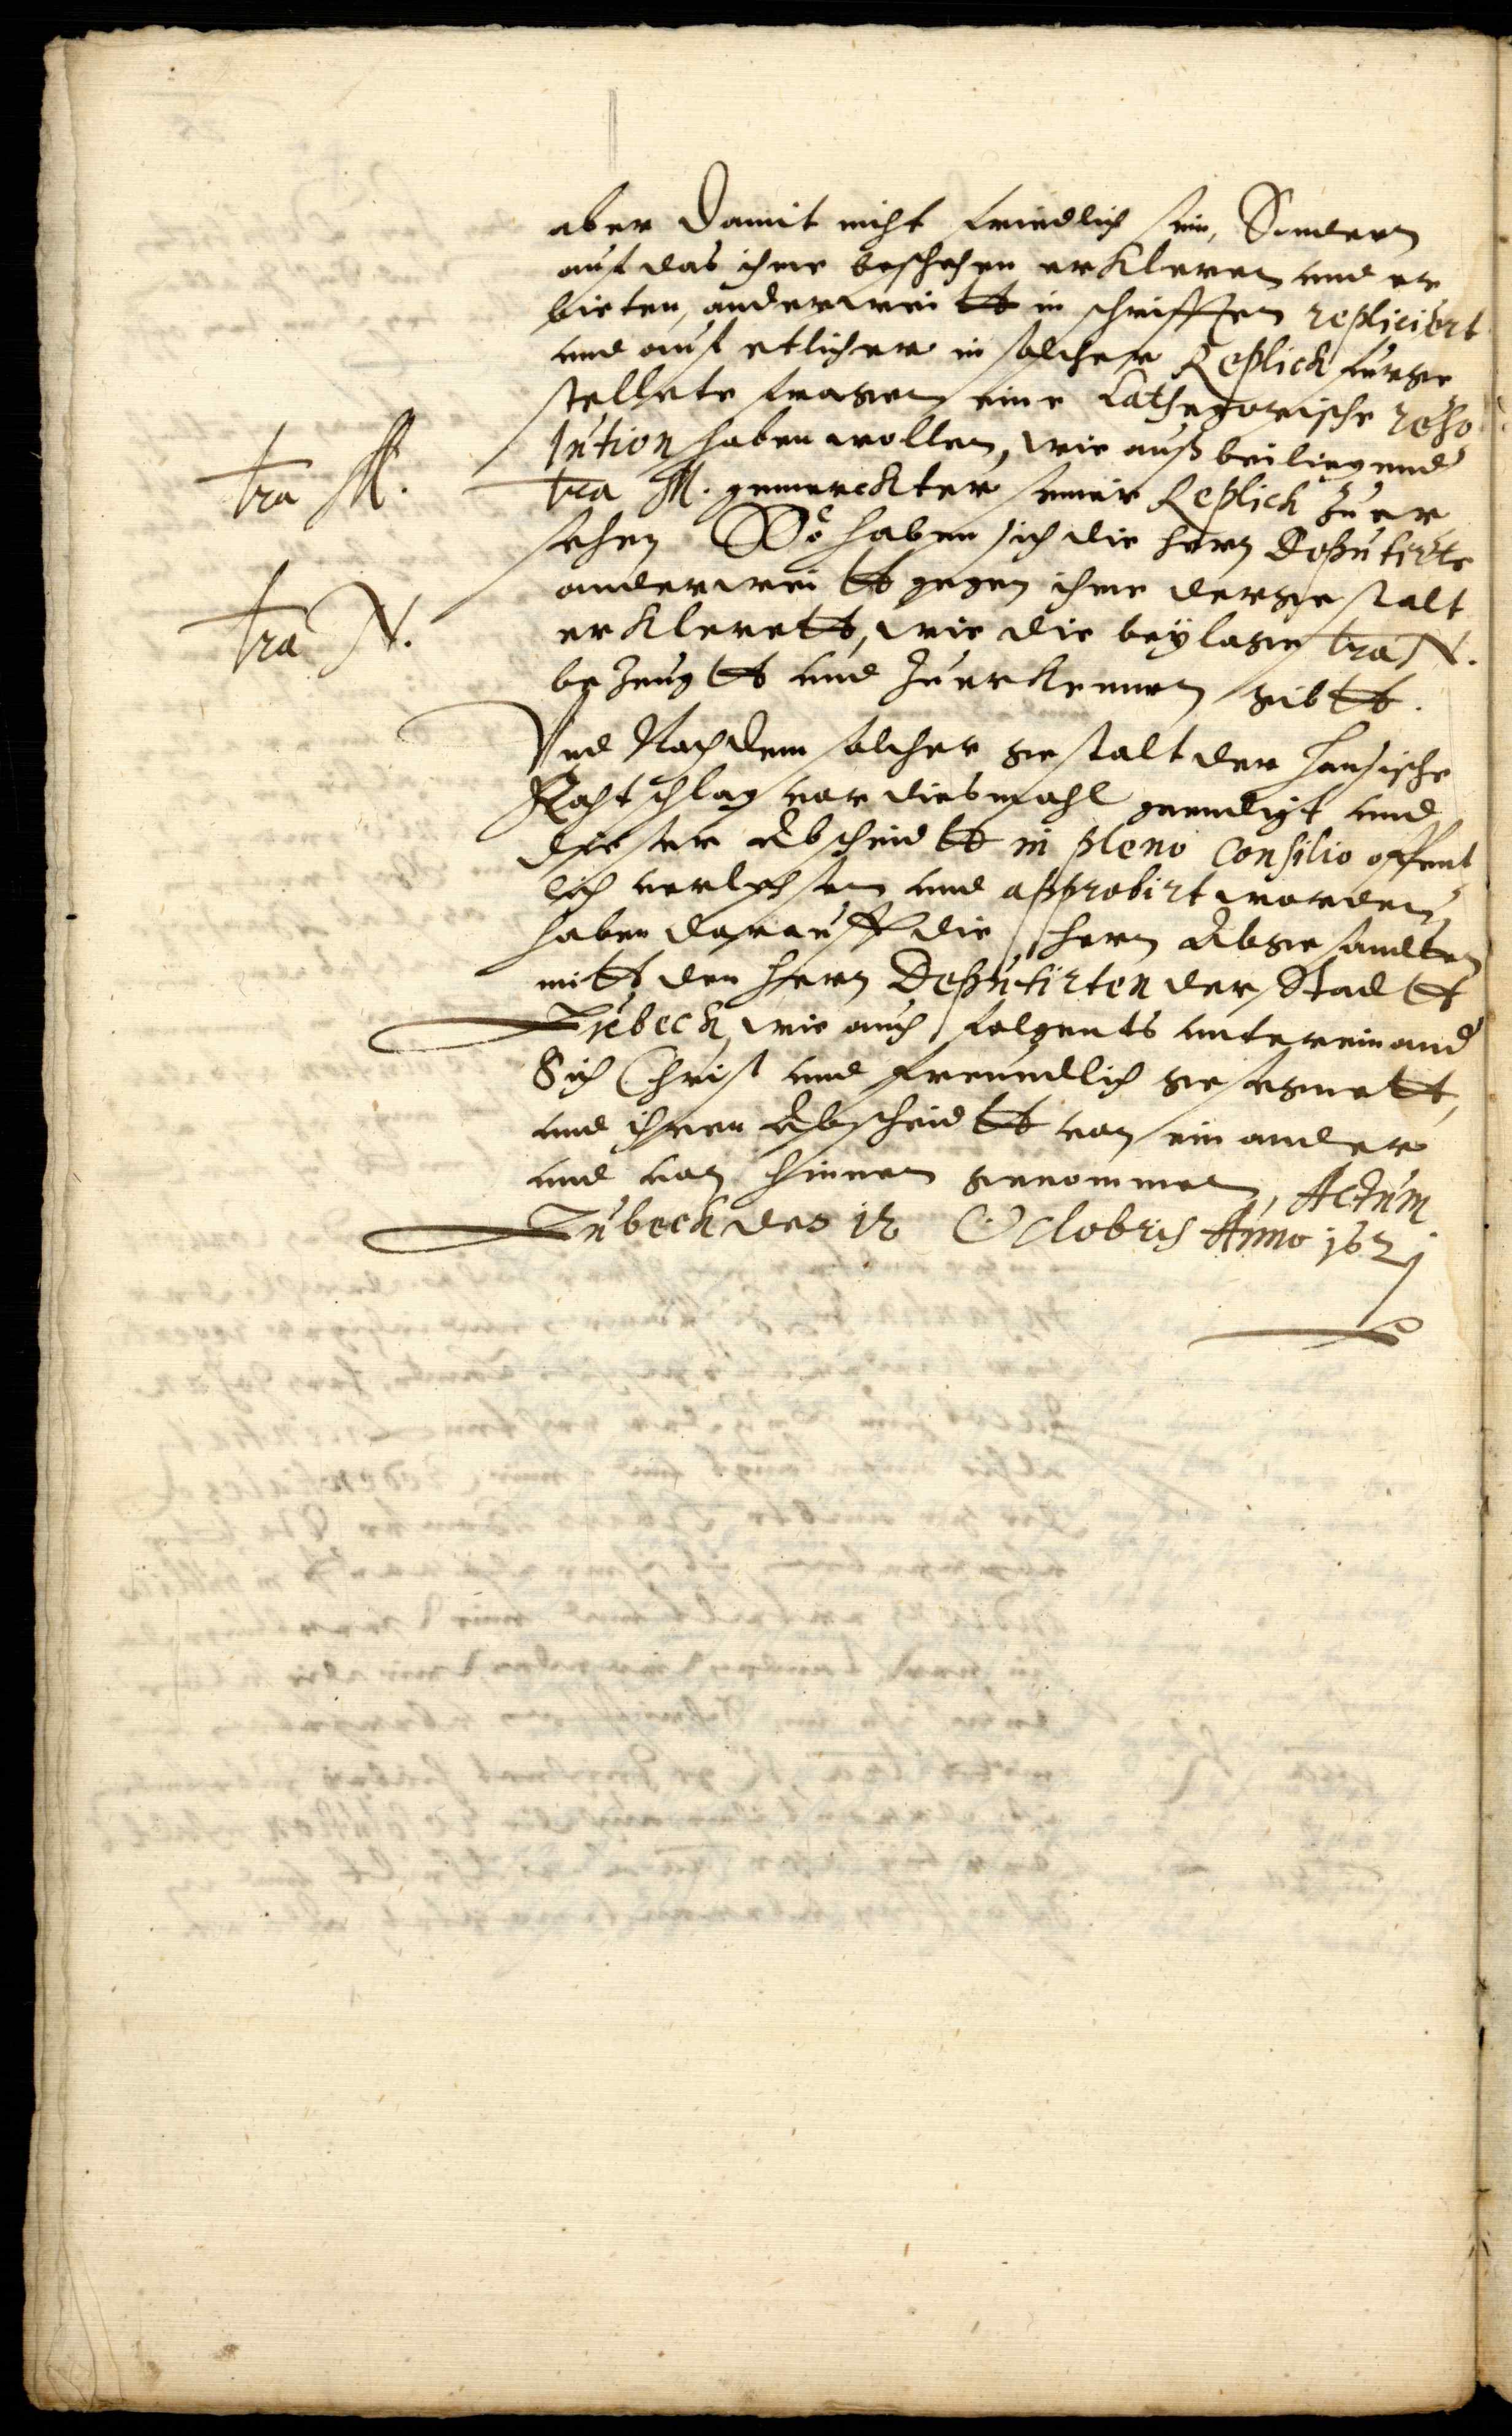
tra M.
tra N.
aber damit nicht friedlich sein, Sundern
auf das ihme beschehen erkleren vnd er¬
bieten, anderweitt in schrifften repliciert
vnd auf etlicher in solcher Replick furge¬
stellete fragen eine Cathegorische reso¬
lution haben wollen, wie auß beiliegend
tra M. gemerckter seiner Replick Zuer¬
sehen SSoe haben sich die hern Deputirte
anderweitt gegen ihme dergestalt
erklerett, wie die beijlage tra N.
beZeugett vnd Zuerkennen gibtt.
Vnd Nachdem solcher gestal der hansiche
Rahtschlag vor diesmahl geendigt vnd
dieser Abschiedtt in pleno consilio offent¬
lich verlehsen vnd approbirt worden,
haben darauff die hern Abgesandten
mitt den hern Deputirten der Stadtt
Lubeck wie auch folgents vntereinander
Sich Christ vnd freundlich gesegnett,
vnd ihren Abschiedtt von ein ander
vnd von hinnen genommen, Actum
Lubeck den 12 Octobris Anno 1621
p
